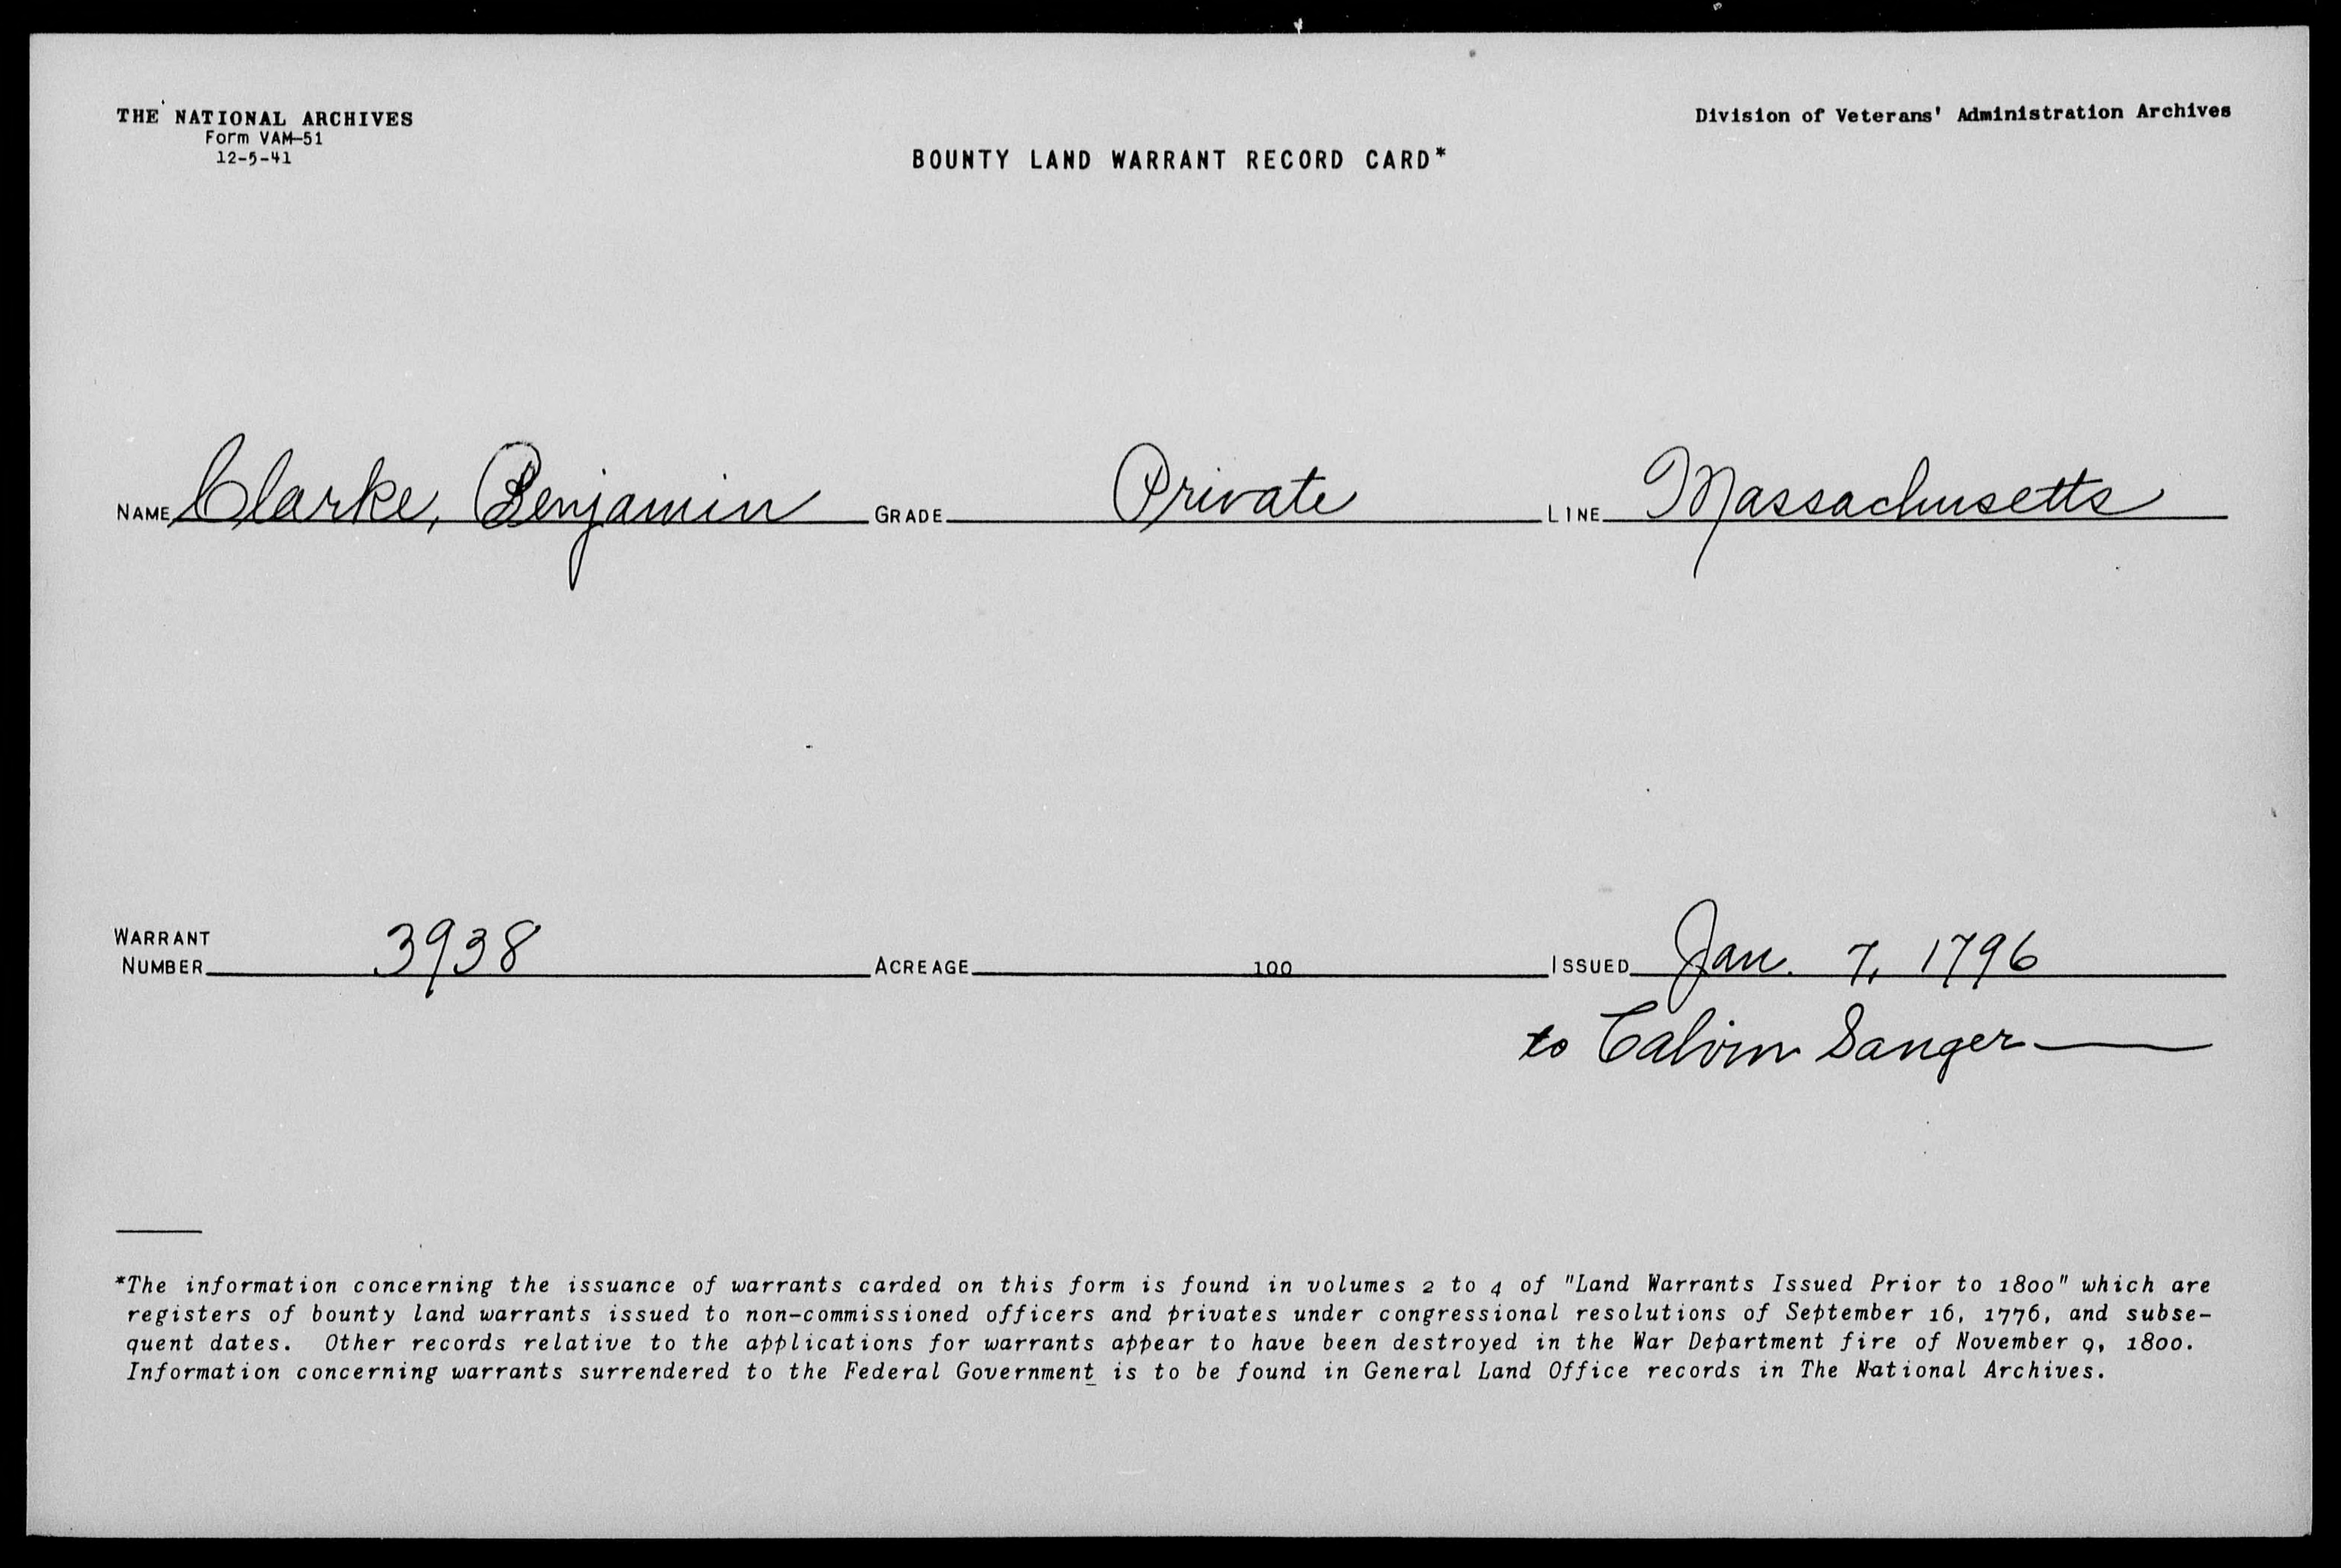The National Archives
Form VAN-51
12-3-41
Division of Veterans' Administration Archives
Bounty Land Warrant Record Card*
Name Clarke, Benjamin Grade Private Line Massachusetts
Warrant Number 3938 Acreage 100 Issued Jan. 7, 1796 to Calvin Sanger

*The information concerning the issuance of warrants carded on this form is found in volumes 2 to 4 of "Land Warrants Issued Prior to 1800" which are registers of bounty land warrants issued to non-commissioned officers and privates under congressional resolutions of September 16, 1776, and subsequent dates. Other records relative to the applications for warrants appear to have been destroyed in the War Department fire of November 9, 1800. Information concerning warrants surrendered to the Federal Government is to be found in General Land Office records in The National Archives.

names: Benjamin Clarke, Calvin Sanger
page: 47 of 48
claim: widow's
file: W. 17,628, Arnold Clarke, R.I.